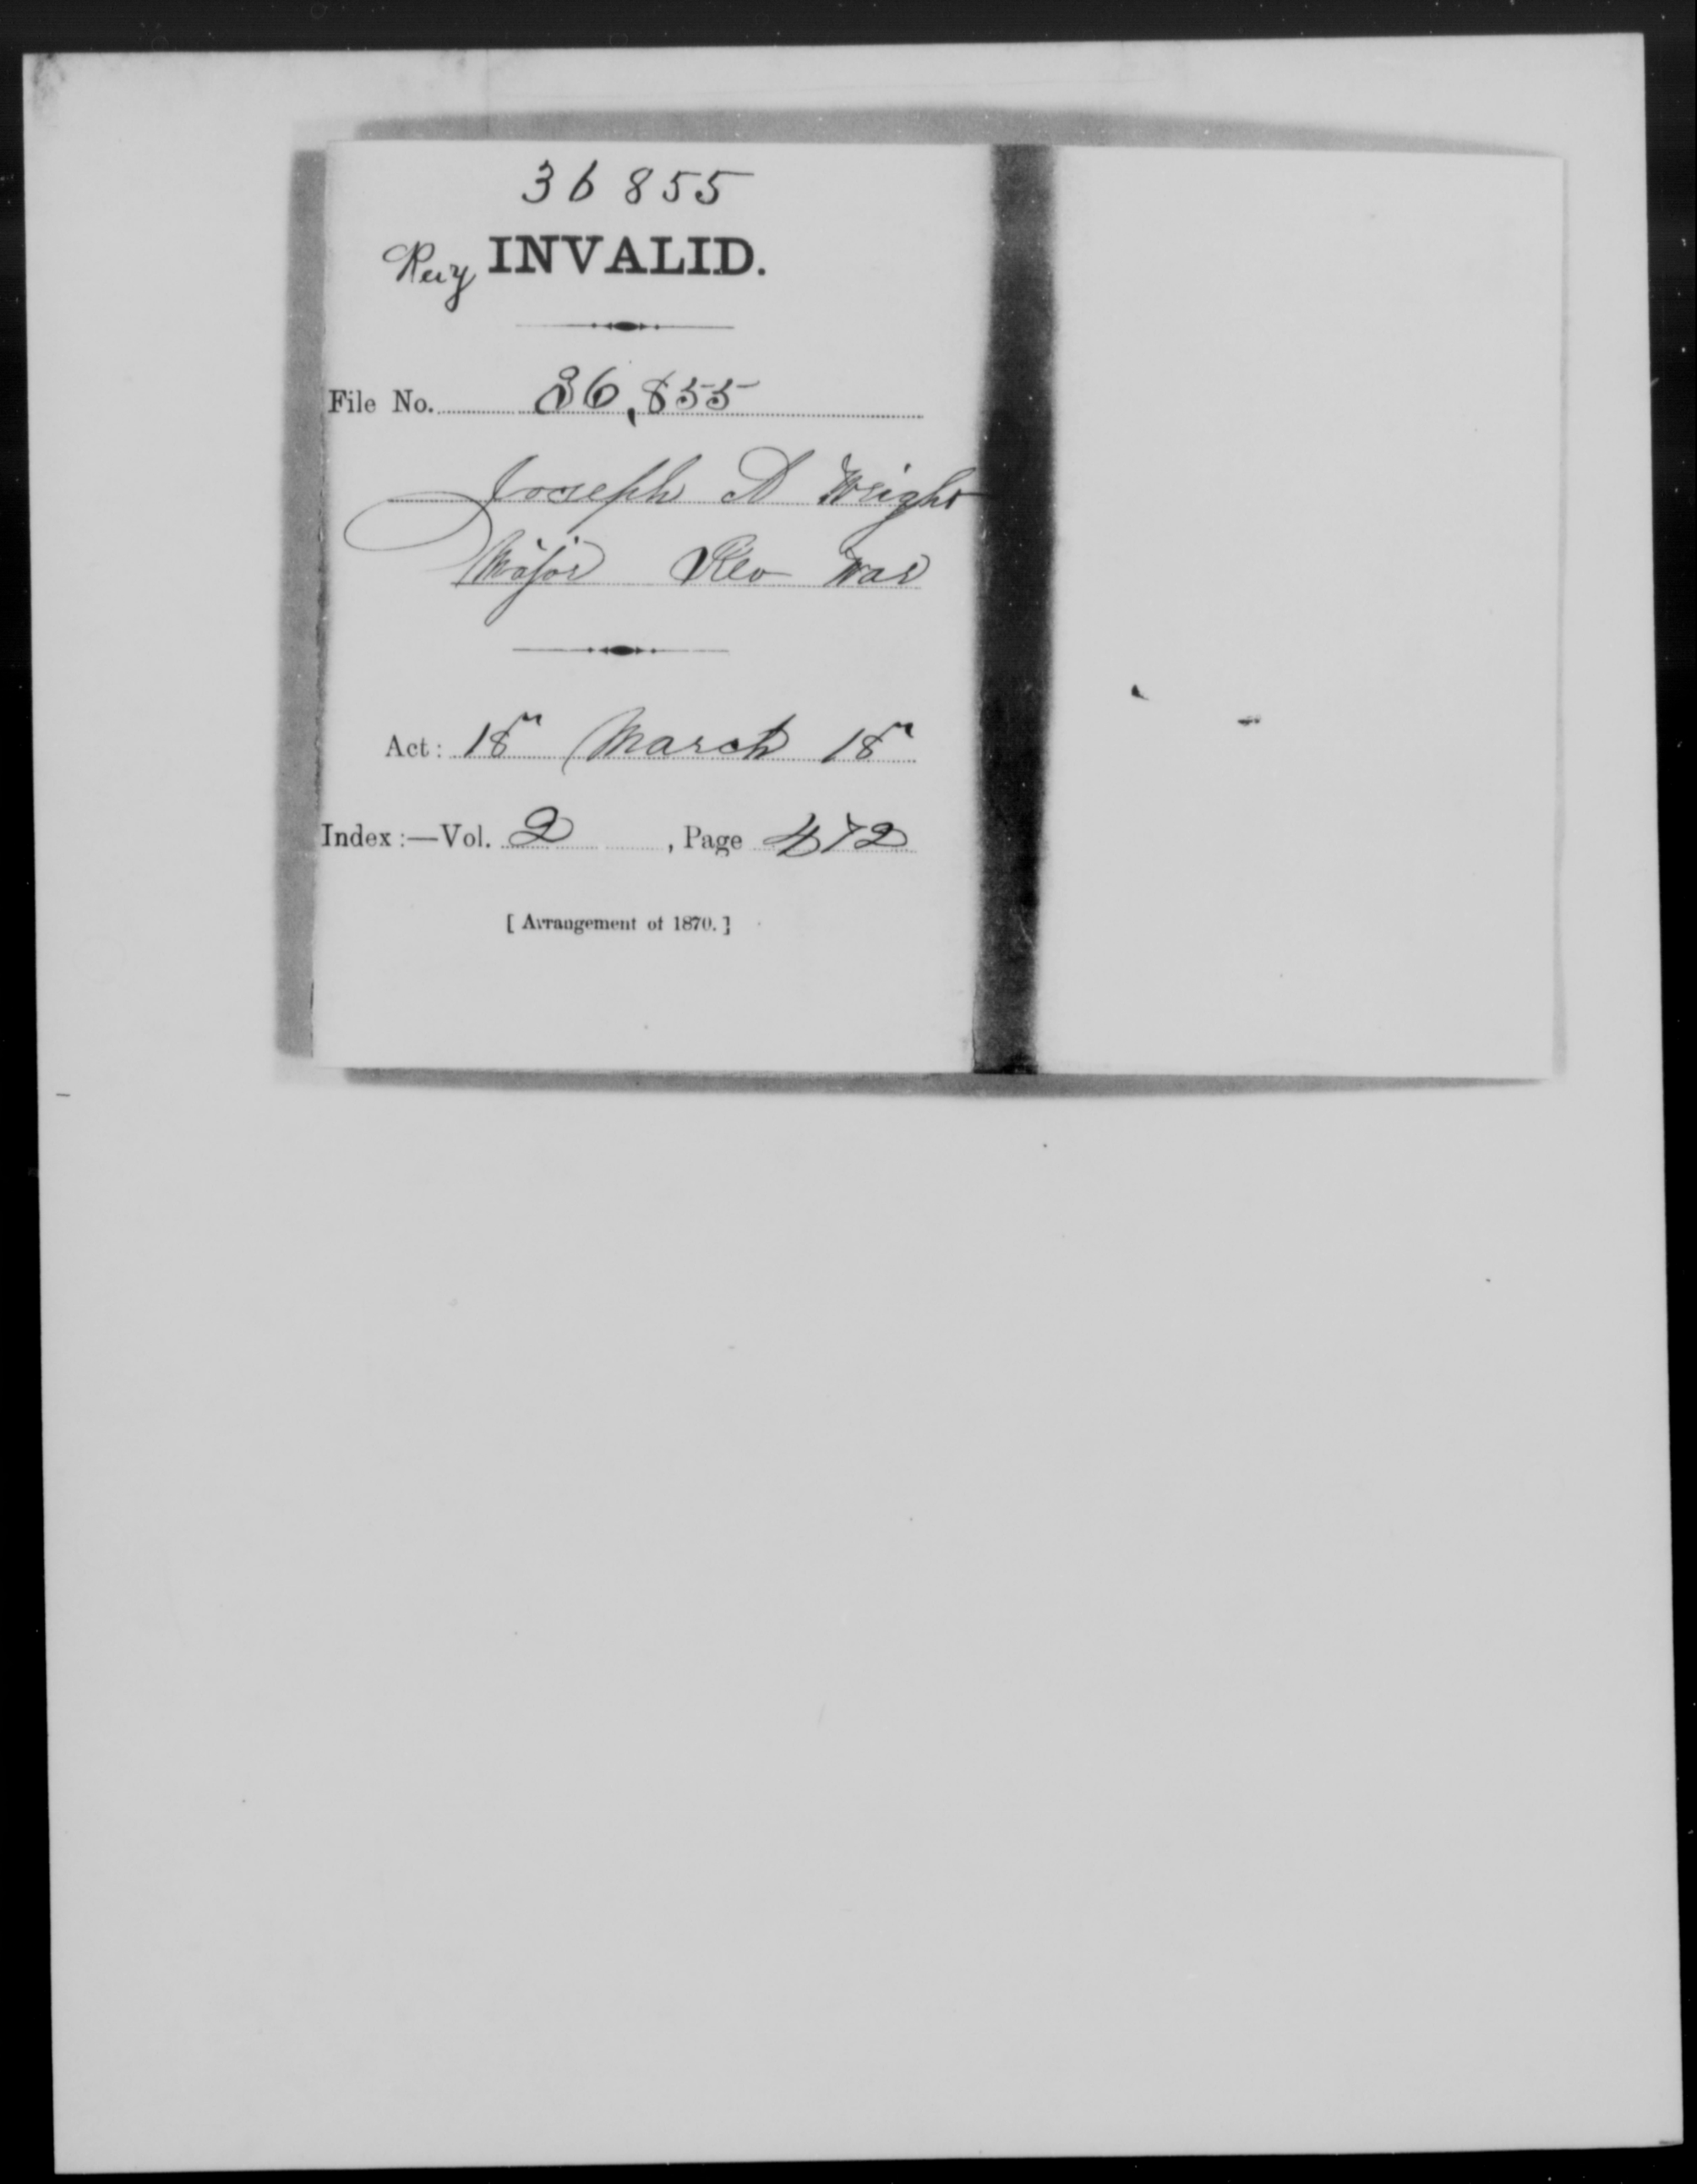36855

REVY
INVALID
-----------------
File No.    36, 855
Joseph A  Wright
Major   Rev War
------------------

Act: 18" March 18"
Index:--- Vol. 2,       Page 472

[Arrangement of 1870]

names: Joseph A Wright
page: 7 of 13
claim: survivor's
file: S. 36855, Joseph Allyn Wright, Conn. Continental